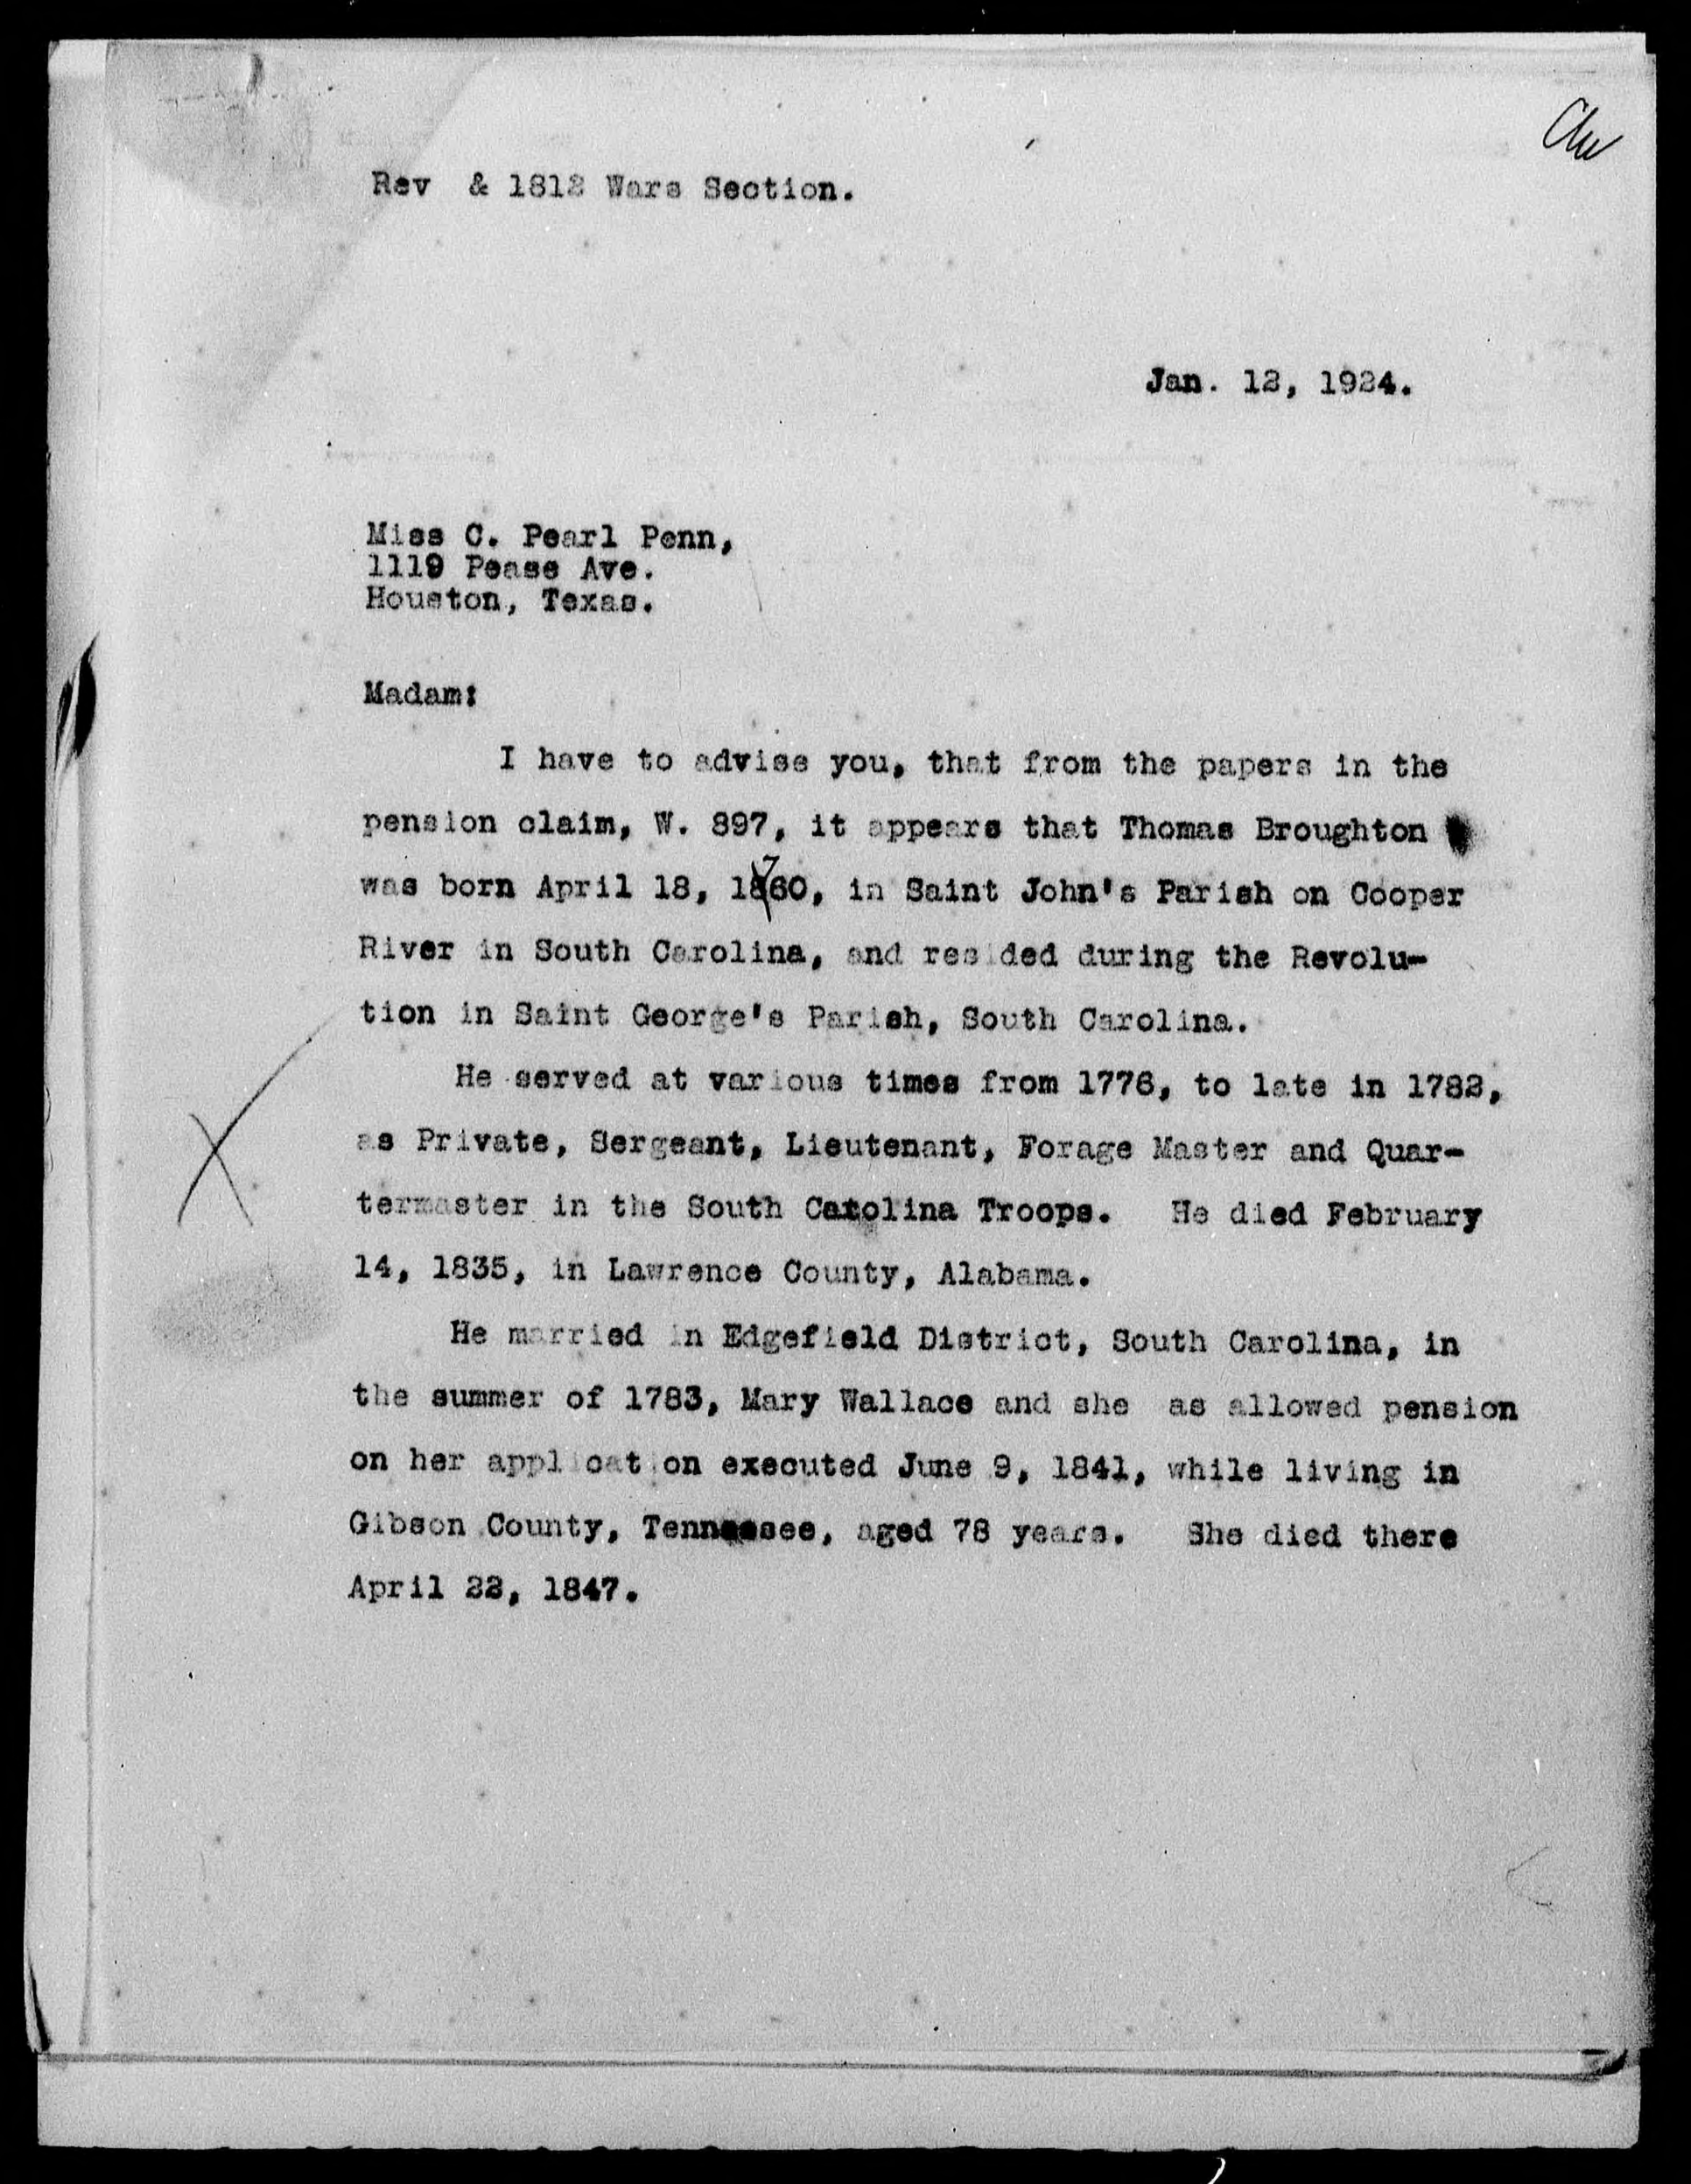Rev & 1812 Wars Section.

Jan. 12, 1924.

Miss C. Pearl Penn,
1119 Pease Ave.
Houston, Texas.

Madam:

I have to advise you that from the papers in the
pension claim, W. 897, it appears that Thomas Broughton
was born April 18, 1760, in Saint John's Parish of Cooper
River in South Carolina, and resided during the Revolution
in Saint George's Parish, South Carolina.

He served at various times from 1776, to late in 1782,
as Private, Sergeant, Lieutenant, Forage Master and Quartermaster in the South Carolina Troops. He died February
14, 1835, in Lawrence County, Alabama.

He married in Edgefield District, South Carolina, in
the summer of 1783, Mary Wallace and she as allowed pension
on her application executed June 9, 1841, while living in
Gibson County, Tennessee, aged 78 years. She died there
April 22, 1847.

[note:  The is an X in the left margin]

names: Mary Wallace, Thomas Broughton, C Pearl Penn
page: 64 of 72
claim: widow's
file: W. 897, Thomas Broughton, S.C.